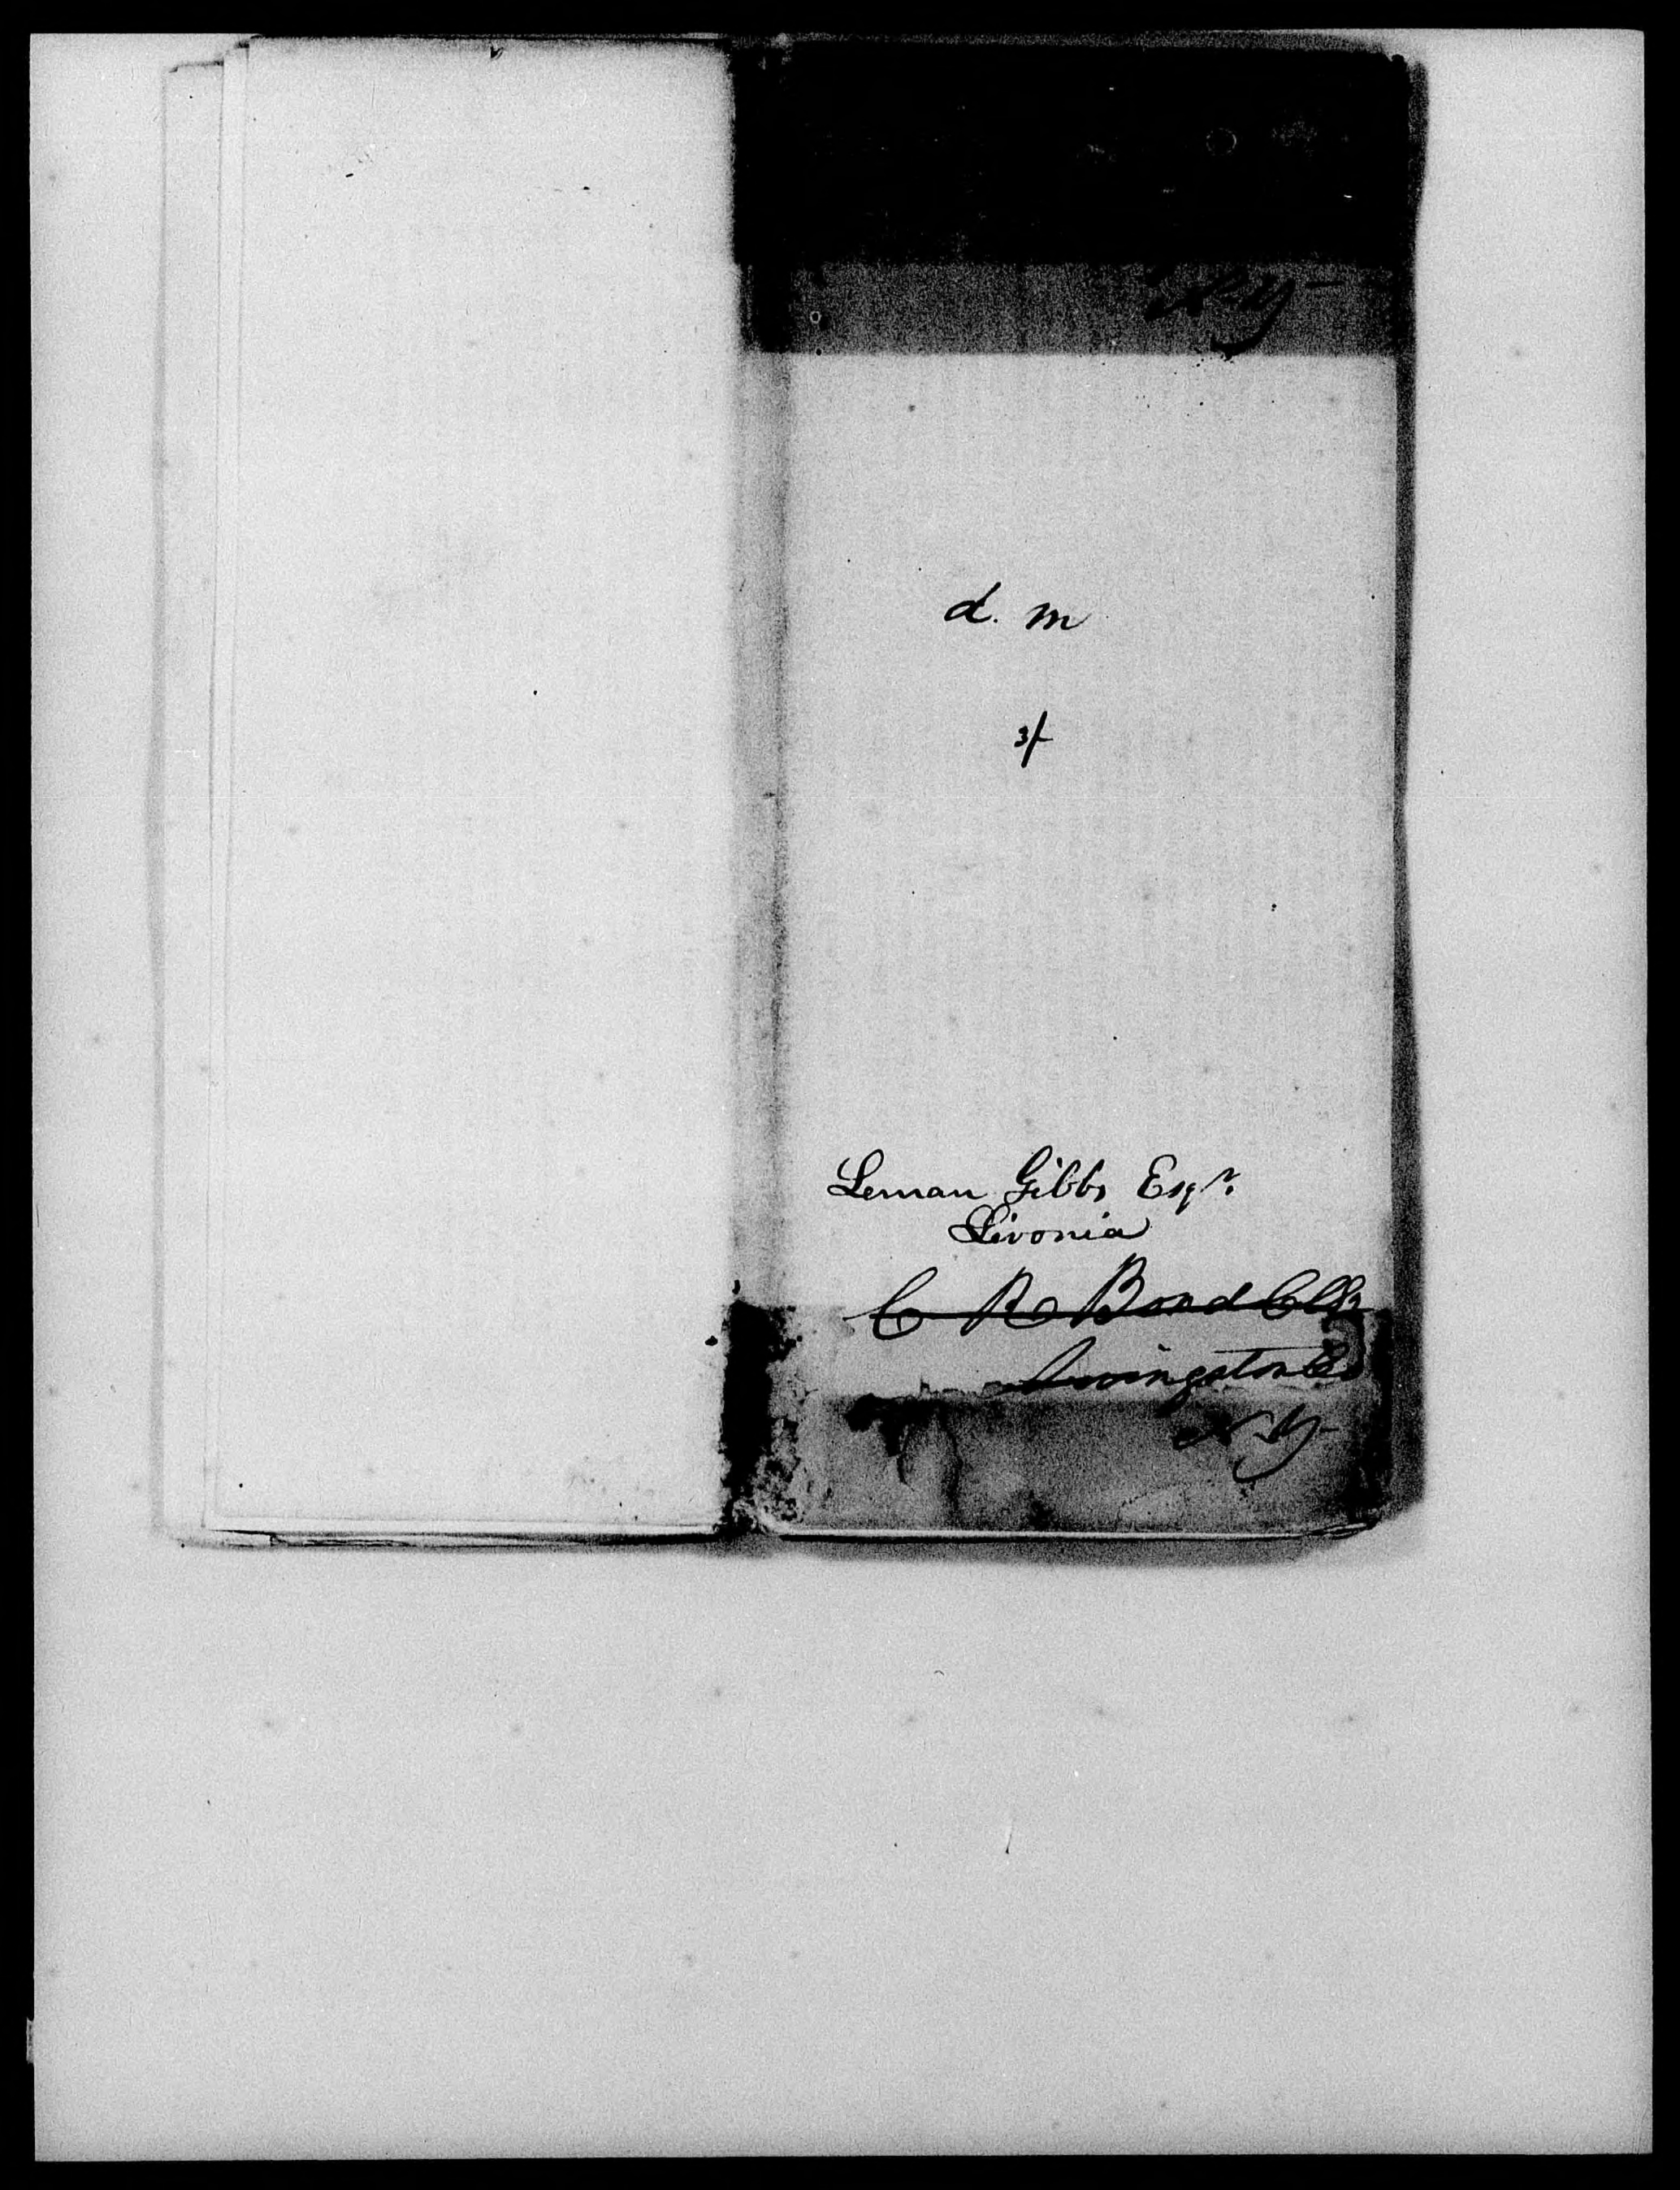d. m
3/
Leman Gibbs Esq.
Livonia
[crossed out]
N.Y.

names: Leman Gibbs; C R Bond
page: 2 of 21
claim: rejected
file: R. 6444, for Gamaliel Loomis, Connecticut